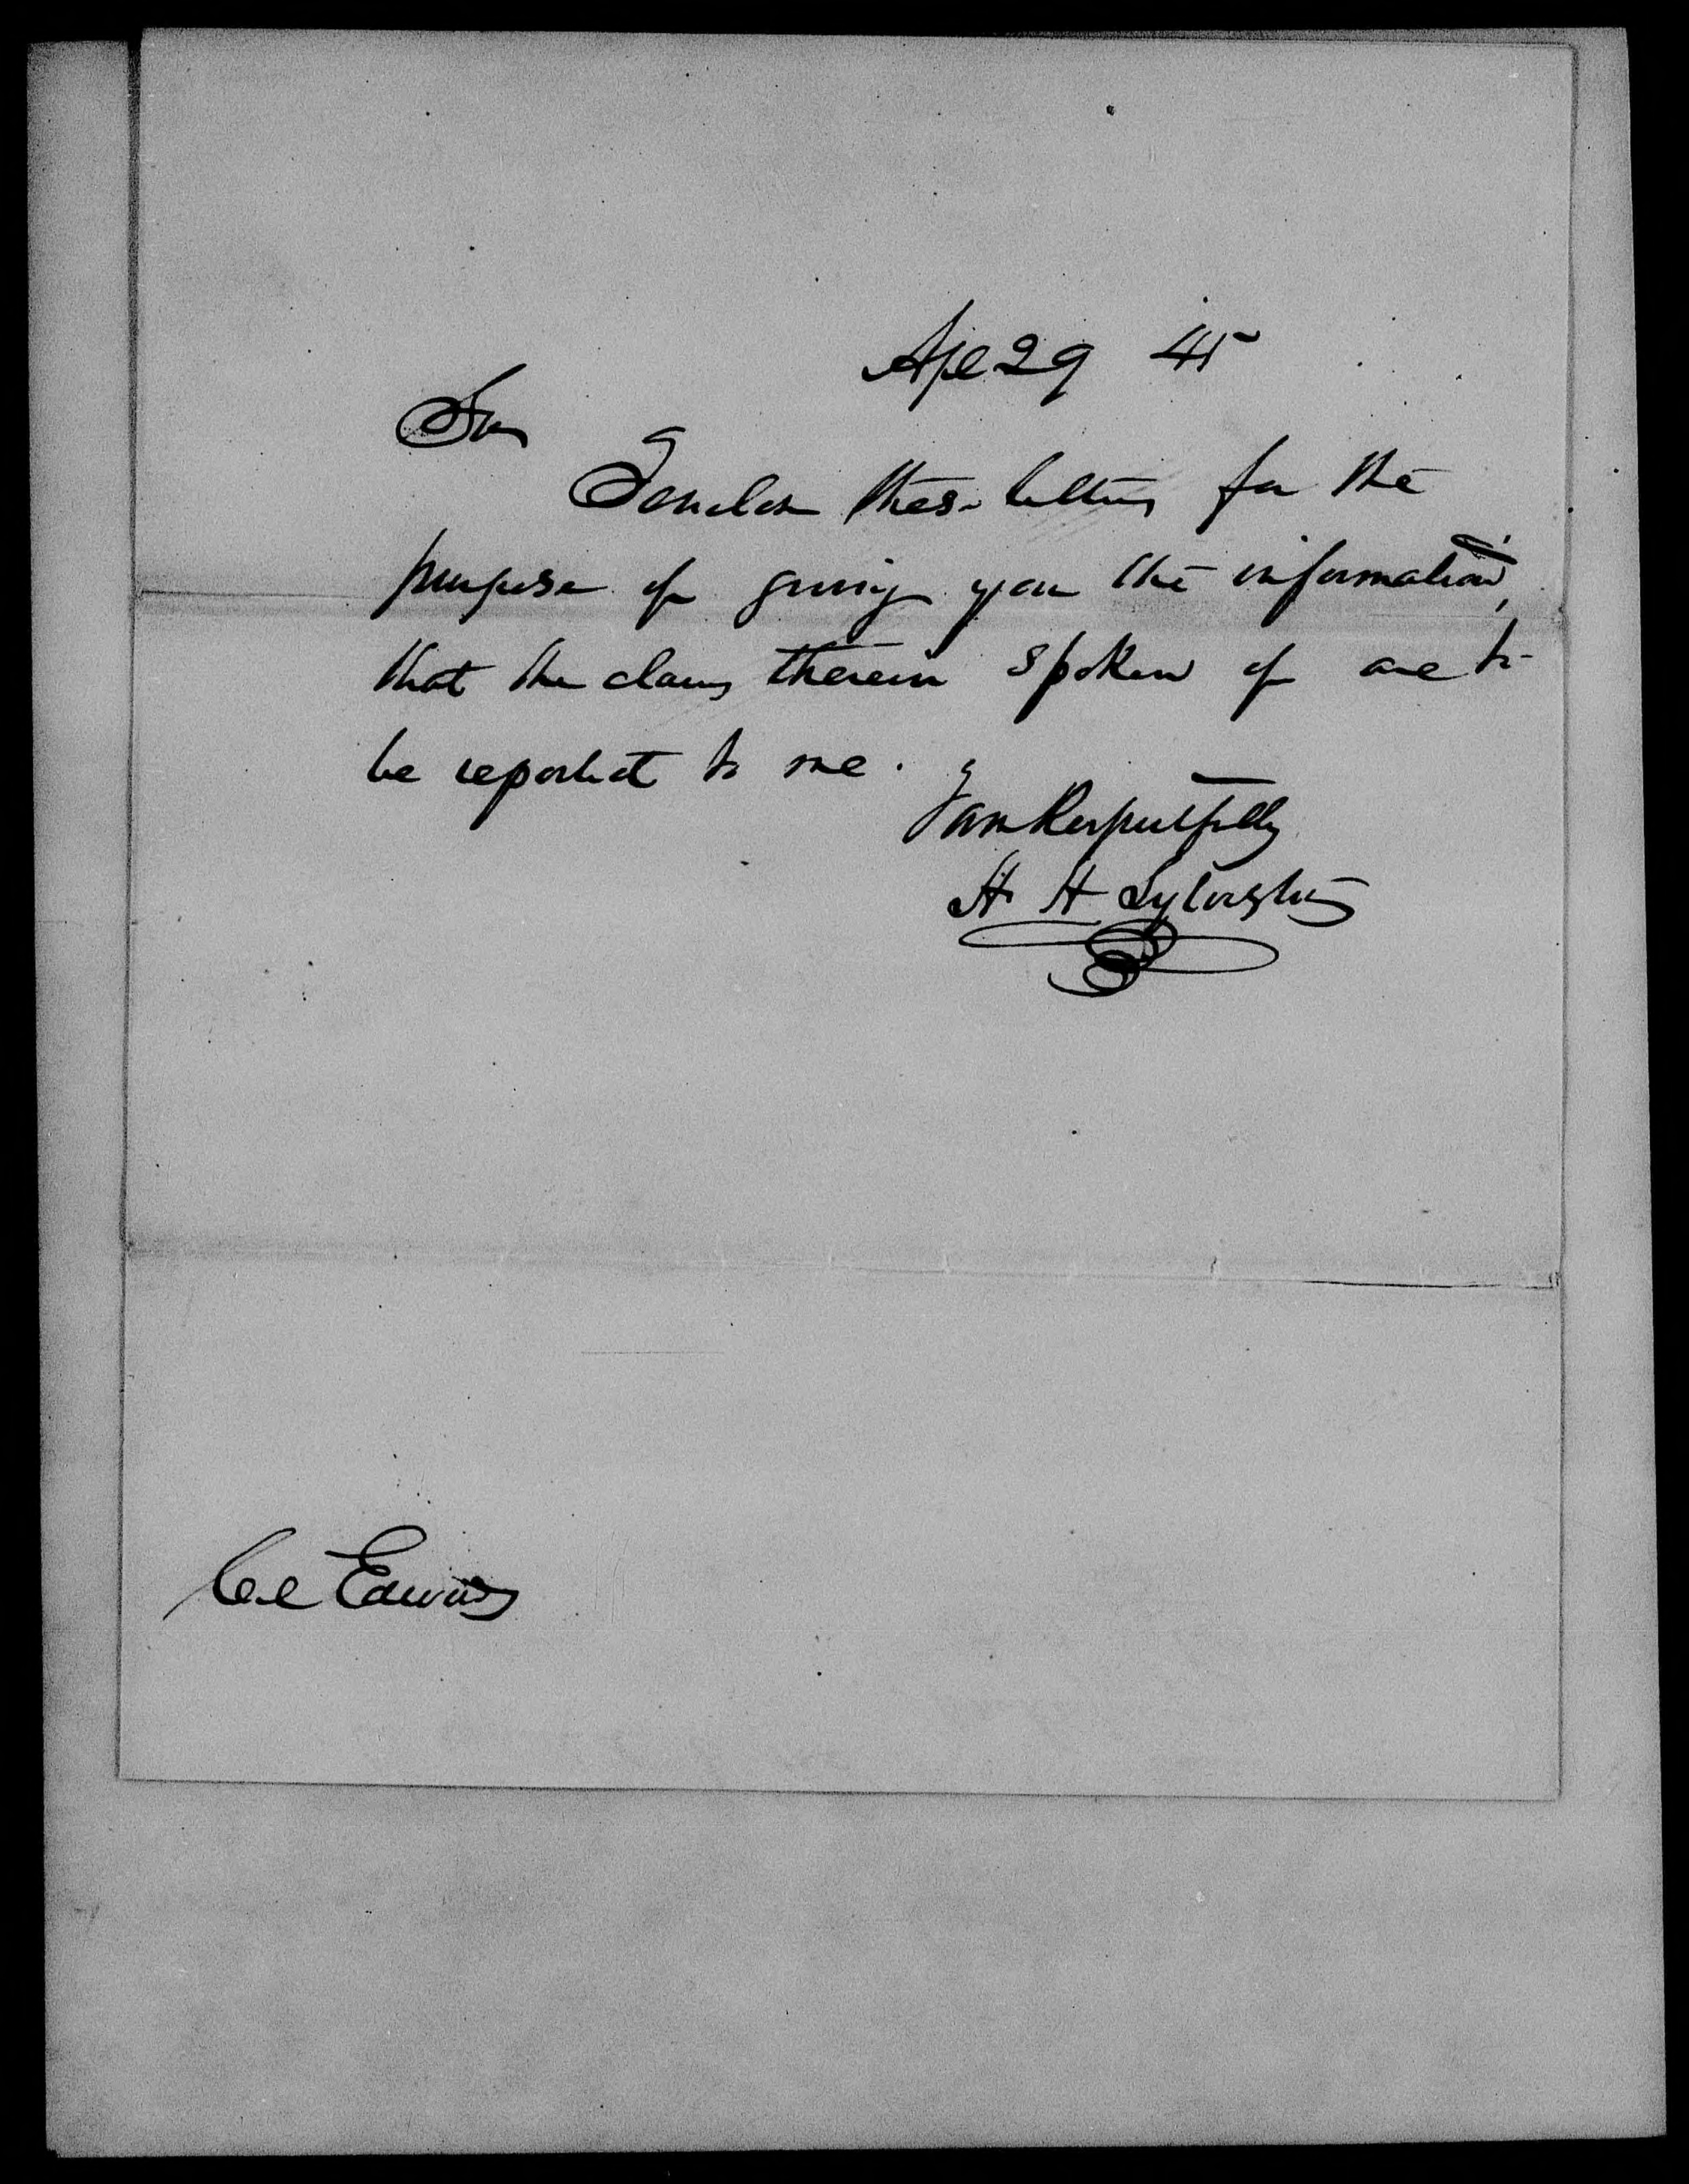Apl 29 41- 

Sir

I enclose this letter for the purpose of giving you the information, that the claims therein spoken of are to be reported to me.

I am respectfully 
H H Sylvester

Col Edwards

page: 30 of 41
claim: widow's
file: W. 5033, for Joseph Johnston, North Carolina